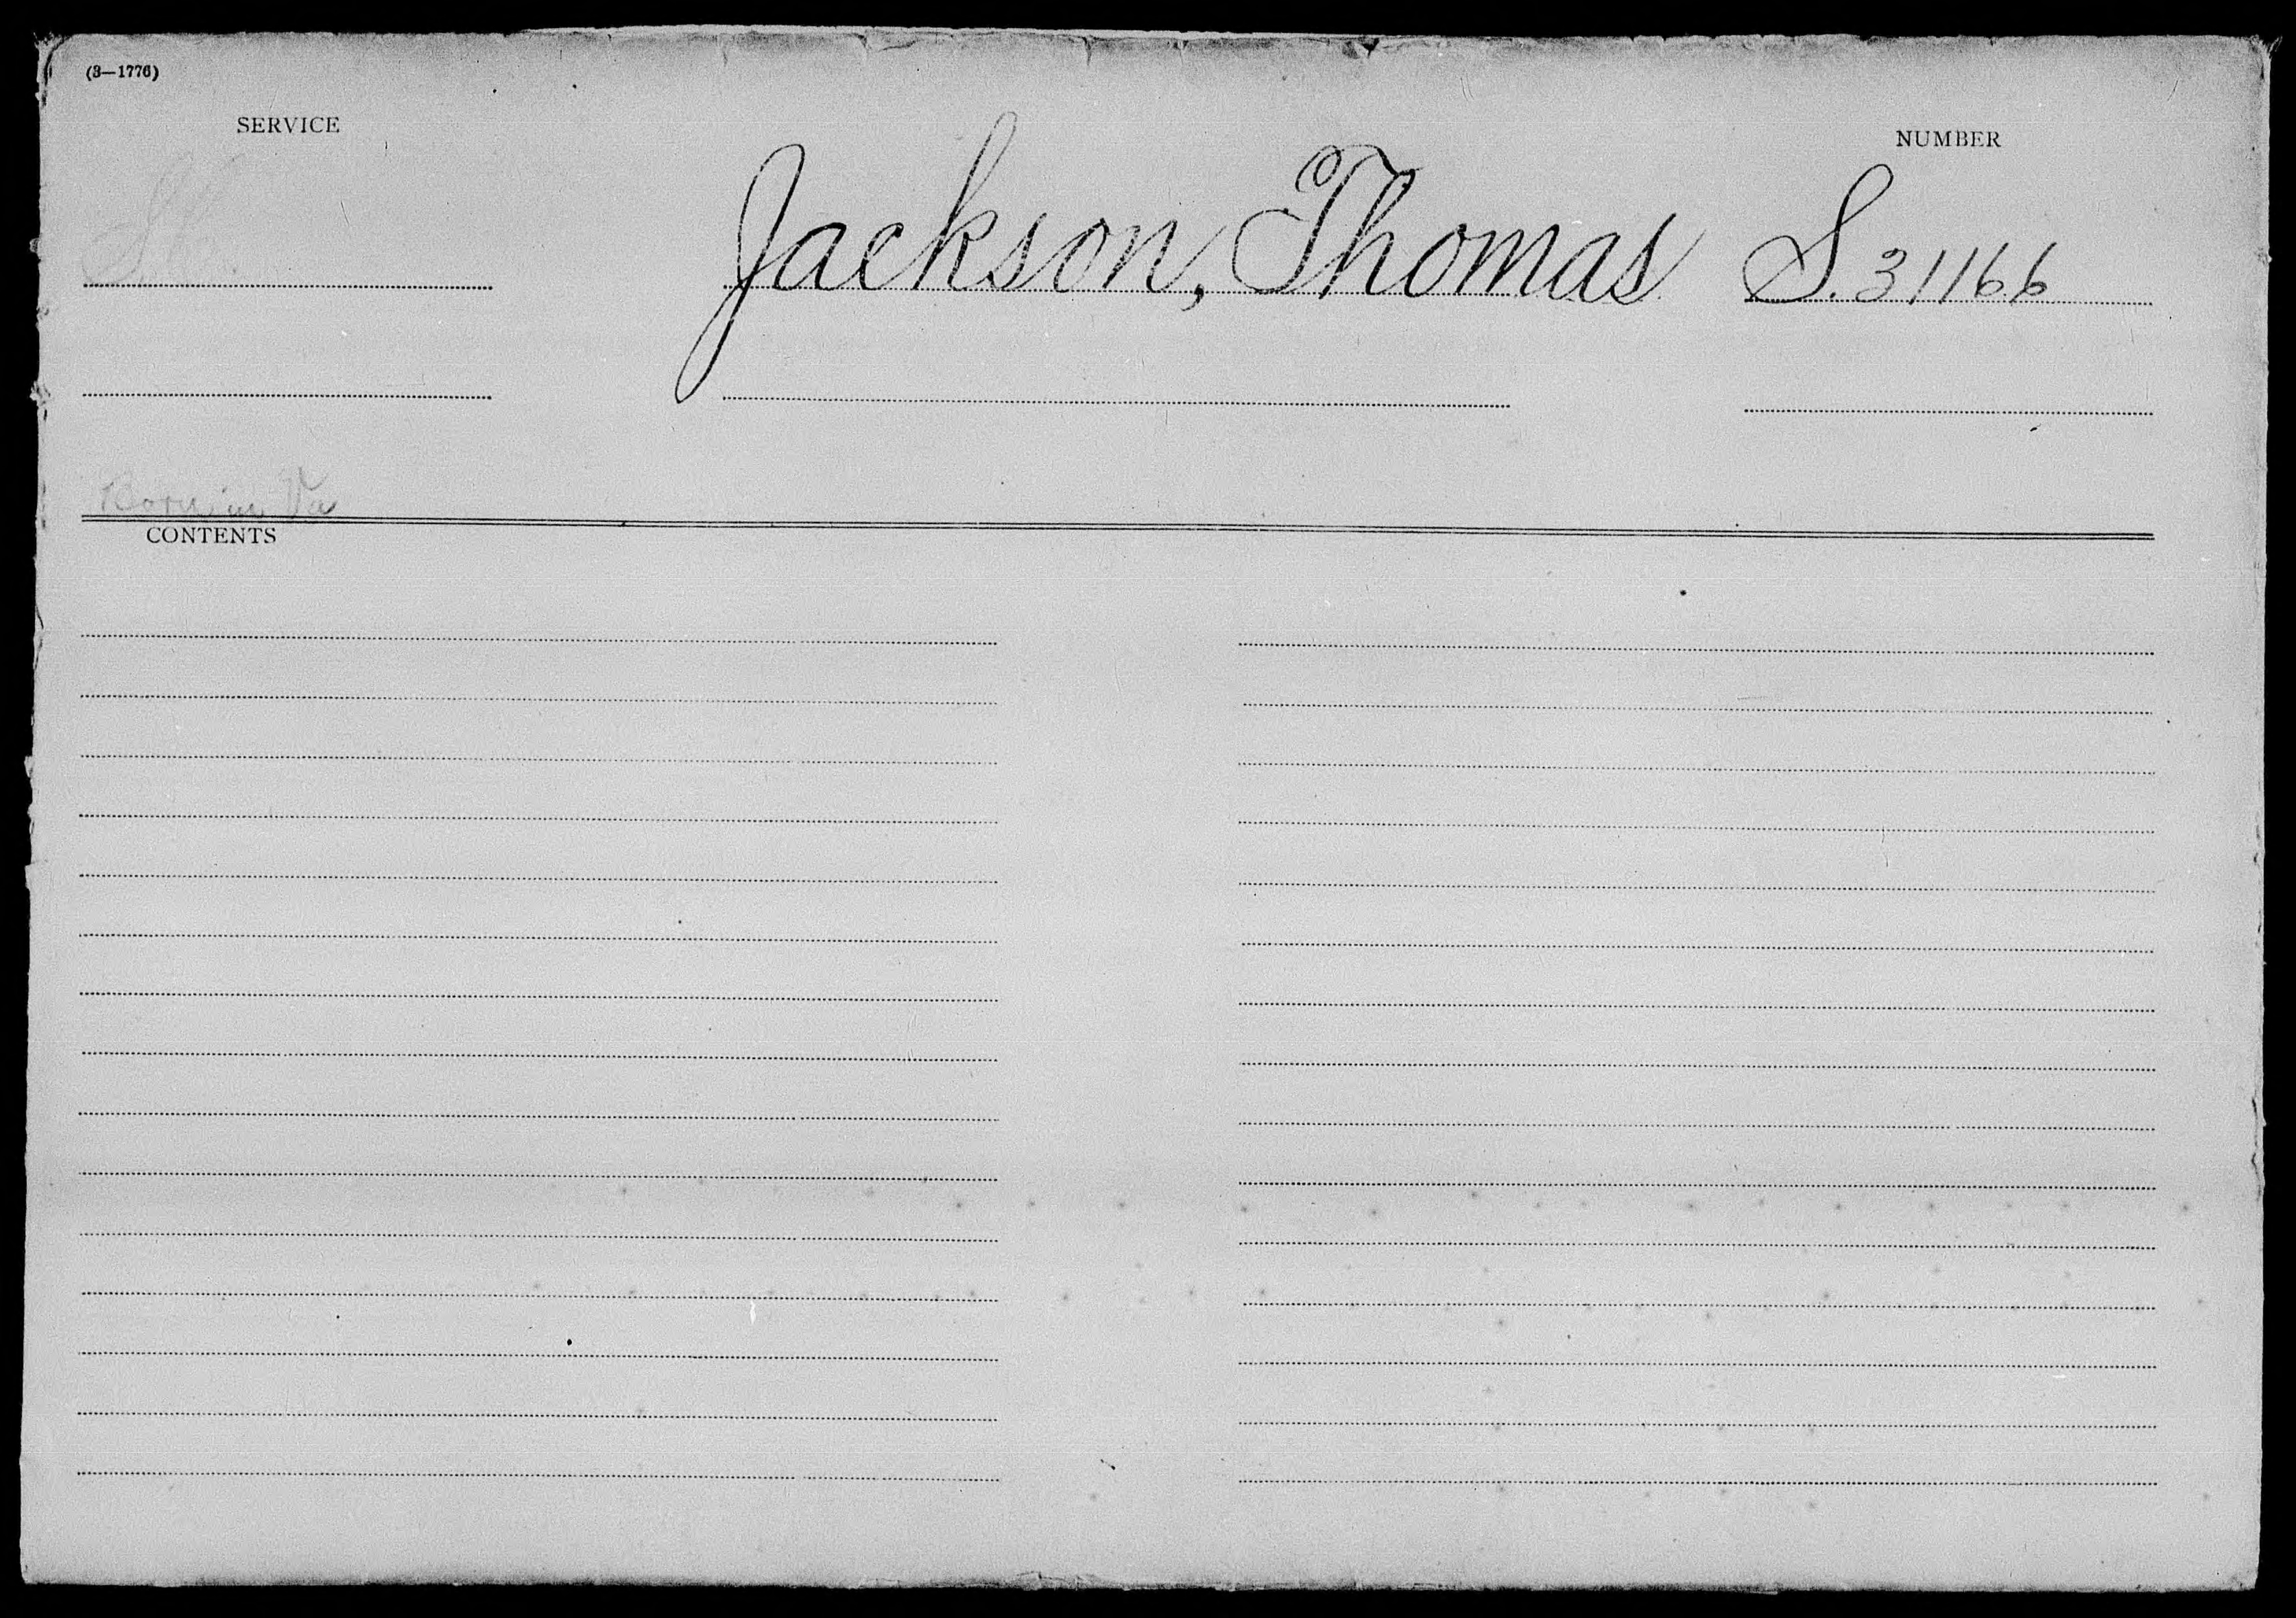(3-1776)
SERVICE
S.C.
Jackson, Thomas
NUMBER
S. 31166
Born in Va
CONTENTS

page: 1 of 54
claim: survivor's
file: S. 31166, for Thomas Jackson, South Carolina